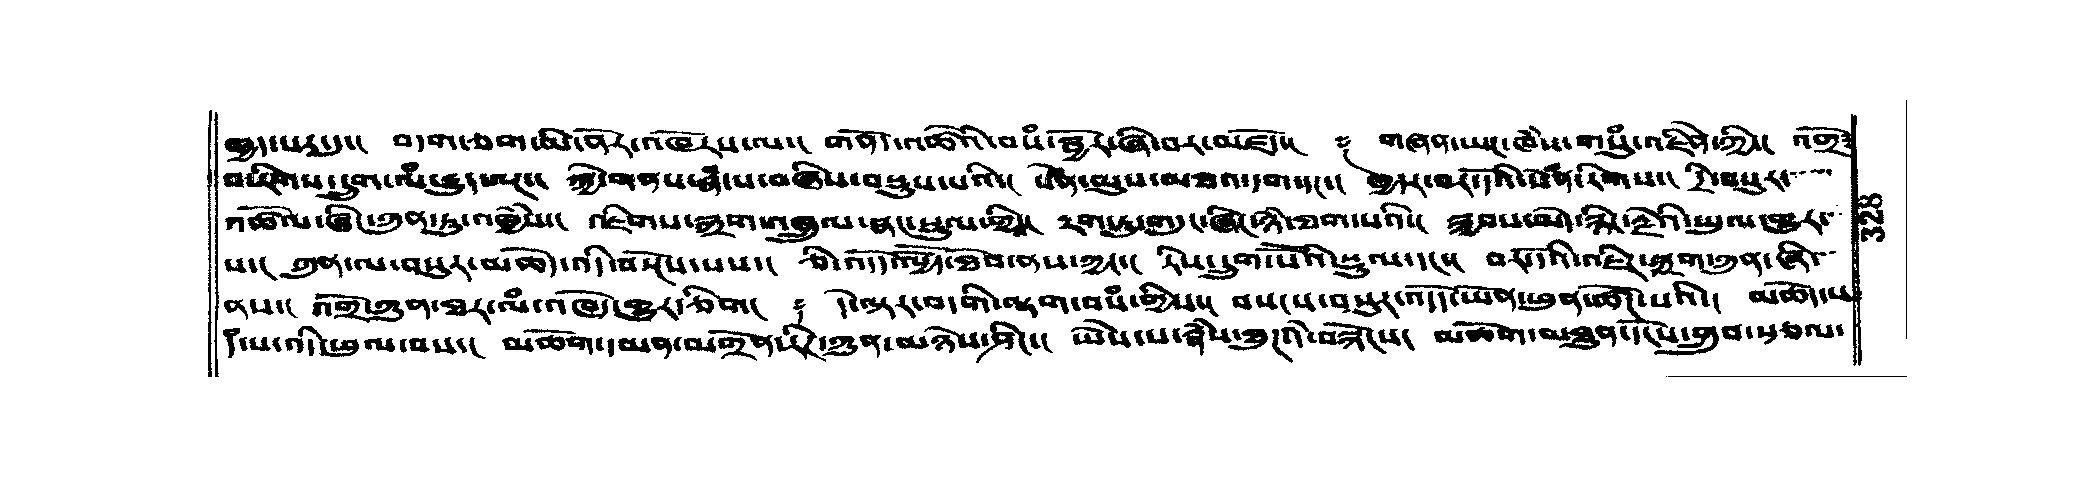ཁྱད་པར་དུ། །བདག་ཅག་མི་ནོར་འཁོར་བཅས་ལ། །གནོད་འཚེའི་བསམ་སྦྱོར་ཞི་བར་མཛོད། ། ༈ གཞན་ཡང་ཁམས་གསུམ་འཇིག་རྟེན་གྱི། །འགྲོ་
བརིགས་དྲུག་ལམ་རྒྱུད་ལྔ་། །སྐྱེ་གནས་རྣམ་པ་བཞིས་བསྡུས་པའི། །སེམས་ཅན་མ་ལུས་མཐའ་དག་དང་། །ཁྱད་པར་བར་དོའི་སེམས་ཅན་རིགས། །དྲི་བསུར་
འཚོལ་ཞིང་ཀུན་ཏུ་འཁྱམས། །འཇིགས་སྐྲག་འཁྲུལ་སྣང་སྡུག་བསྔལ་གྱི། །རྟག་ཏུ་གདུང་ཞིང་ཉམ་ཐག་པའི། །སྐྱབས་མེད་སྙིང་རྗེའི་ཡུལ་གྱུར་
པ། །ཀུན་ལ་བསུར་མཆོད་འདི་བསྔོས་པས།།ཅི་འདོད་ལོངས་སྤྱོད་ཐོབ་ནས་ཀྱང་། །རིས་དྲུག་སོ་སོའི་སྡུག་བསྔལ་དང་། །བར་དོའི་འཇིགས་སྐྲག་ཀུན་ཞི་
ནས། །འགྲོ་ཀུན་ཐར་ལམ་འཁོད་གྱུར་ཅིག་ ༈ དེ་ལྟར་བདག་གི་ལྷག་བསམ་གྱིས། །བསངས་བསུར་འདོད་ཡོན་ཕུན་ཚོགས་པའི། །མཆོད་པ་
དམ་པ་འདི་ཕུལ་བས། །མཆོག་དམན་མགྲོན་རིགས་ཀུན་མཉེས་ཤིང་། །ཡེ་ཤེས་པ་རྣམས་ཐུགས་དམ་བསྐོངས། །མཆོག་ཐུན་དངོས་གྲུབ་སྩལ་